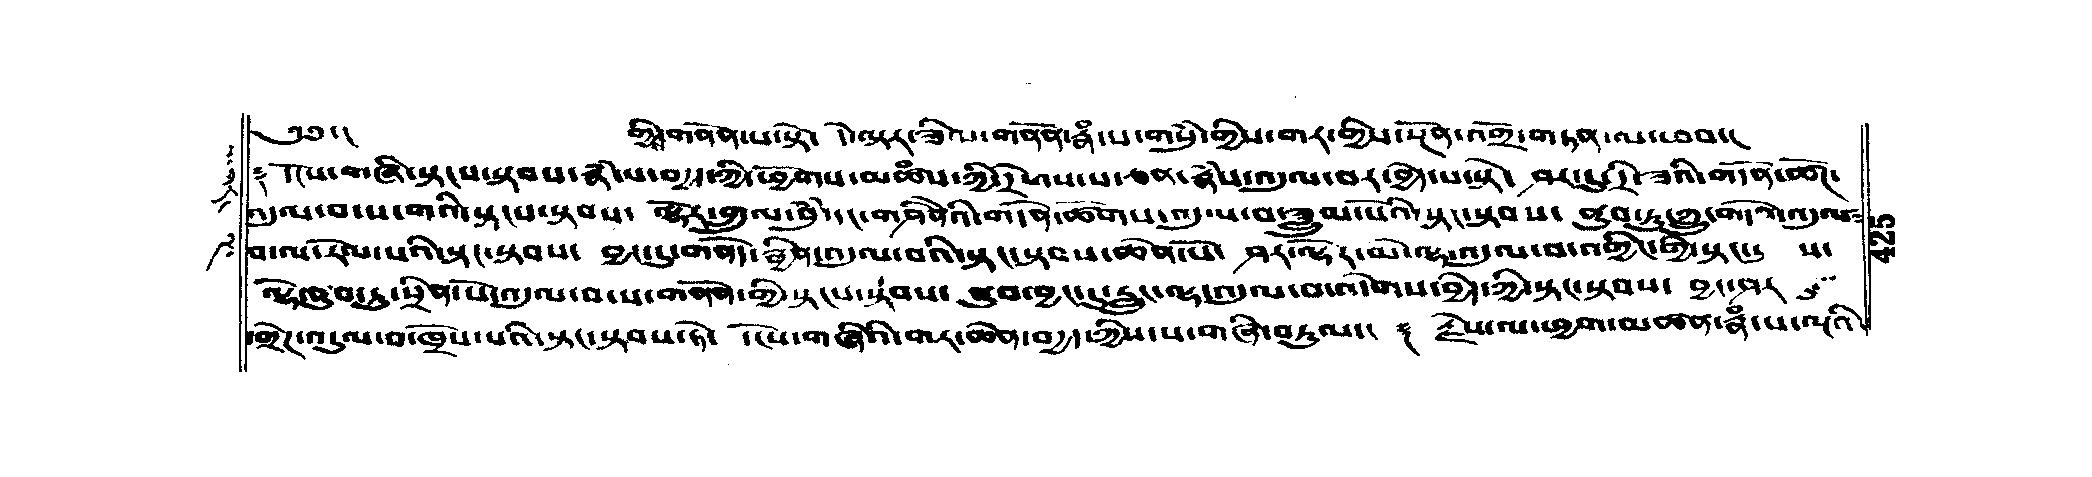གྱིས་གནོན་པ་སྟེ། དེ་ལྟར་ཟིལ་གནོན་རྣམ་པ་གསུམ་གྱིས་སྔོན་འགྲོ་གཏན་ལ་ཕབ།
 ༈ དངོས་གཞི་སྟངས་སྟབས་རྣམ་པ་བརྒྱད་ཀྱི་ཕྱོགས་མཚམས་ཀྱི་དྲེགས་པ་ཅན་རྣམས་འདུལ་བར་བྱེད་པ་སྟེ། ཤར་དུ་དྲི་ཟའི་གདོན་ཚོགས་
འདུལ་བ་ས་གའི་སྟངས་སྟབས། བྱང་དུ་གནོད་སྦྱིན་འདུལ་བའི་སྟངས་སྟབས་ཆེན་པོ། ཤར་ལྷོར་མེ་ལྷ་འདུལ་བ་འགྱིང་གི་སྟངས་སྟབས། ནུབ་ཏུ་ཀླུ་གདོན་འདུལ་་་་་་་་་་་n
ལྷོ་ནུབ་ཏུ་སྲིན་པོ་འདུལ་བ་ས་གནོན་གྱི་སྟངས་སྟབས། ནུབ་བྱང་དུ་རླུང་ལྷ་འདུལ་བ་འདེགས་བྱེད་ཀྱི་སྟངས་སྟབས། བྱང་ཤར་དུ་
དགྲ་གེགས་འདུལ་བ་ཁྲོས་པའི་སྟངས་སྟབས་ཏེ། དངོས་གཞིའི་གར་ཆེན་བརྒྱད་ཀྱིས་ས་གཞི་བརྟུལ། ༈ རྗེས་ལ་ཕྱག་ཆེན་རྣམ་པ་ལྔའི་